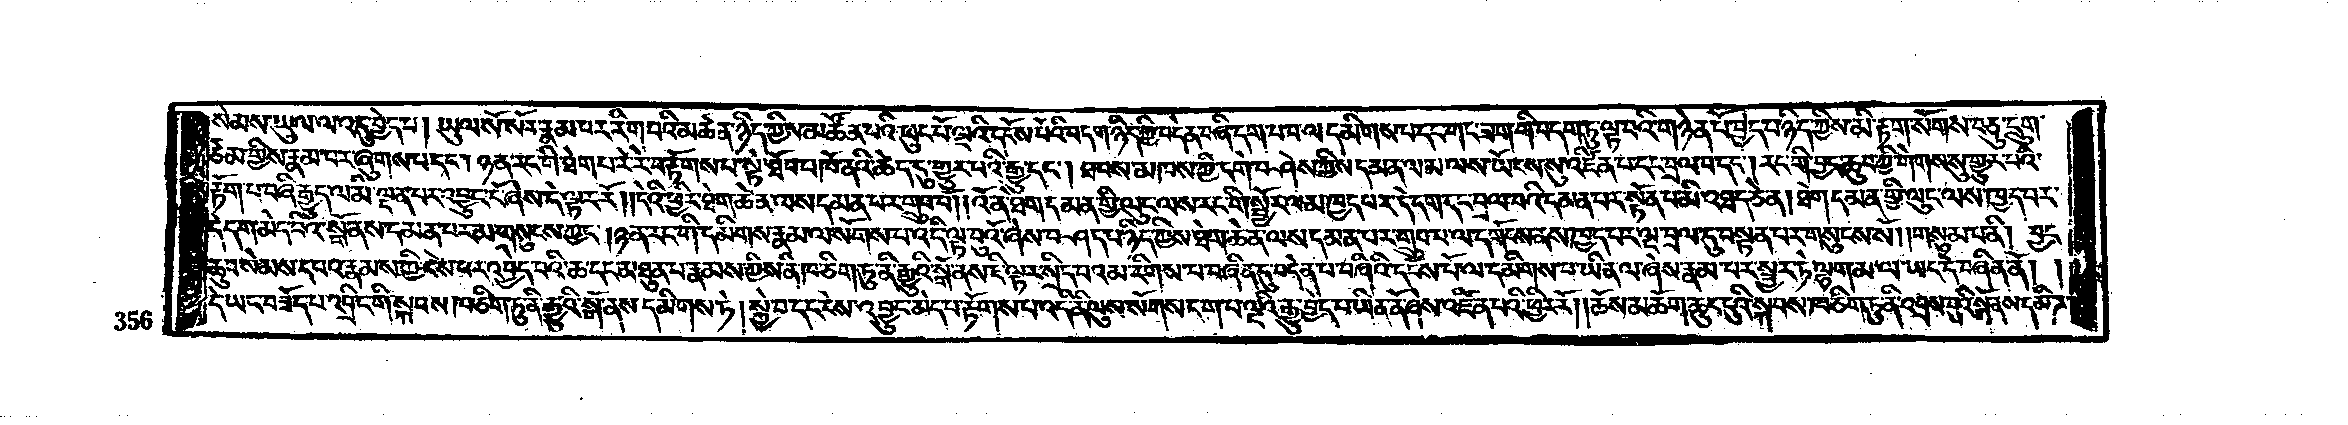སེམས་ཡུལ་ལ་འདུ་བྱེད་པ། ཡུལ་སོ་སོར་རྣམ་པར་རིག་པའི་མཚན་ཉིད་ཀྱིས་མཚོན་པའི་ཕུང་པོ་ལྔའི་དངོས་པོའི་བདག་ཉིད་ཀྱི་བདེན་བཞི་དག་པ་བ་ལ་དམིགས་པ་དང་གང་ཟག་གི་བདག་ཏུ་ལྟ་བའི་གཉེན་པོ་བྱེད་པ་ཉིད་ཀྱིས་མི་རྟག་སོགས་བཅུ་དྲུག་
ཙམ་གྱིས་རྣམ་པར་ཞུགས་པ་དང་། ཉན་རང་གི་ཐེག་པ་རེ་རེ་བ་རྟོགས་པ་སྟེ་ཐོབ་པ་ཁོ་ནའི་ཆེད་དུ་གྱུར་པའི་རྒྱུ་དང་། ཐབས་མཁས་ཀྱི་དགེ་བཤེས་ཀྱིས་དམན་ལམ་ལས་ཡོངས་སུ་འཛིན་པ་དང་བྲལ་བ་དང་། རང་གི་བྱང་ཆུབ་ཀྱི་གེགས་སུ་གྱུར་པའི་
རྟོག་པ་བཞི་རྒྱུད་ལ་མི་ལྡན་པར་འབྱུང་ངོ་ཞེས་དེ་ལྟར་རོ། །དེའི་ཕྱིར་ཐེག་ཆེན་ལས་དམན་པར་གྲུབ་བོ། །འོ་ན་ཐེག་དམན་གྱི་ལུང་ལས་རང་གི་སྦྱོར་ལམ་ཁྱད་པར་དེ་དག་དང་བྲལ་བའི་དམན་པར་སྟོན་པ་མི་འཐད་ཅེ་ན། ཐེག་དམན་གྱི་ལུང་ལས་ཁྱད་པར་
དེ་དག་མེད་པའི་སྒོ་ནས་དམན་པར་མ་གསུངས་ཀྱང་། ཉན་རང་གི་དམིགས་རྣམ་ལ་སོགས་པ་འདི་ལྟ་བུའོ་ཞེས་བཤད་པ་ཉིད་ཀྱིས་ཐེག་ཆེན་ལས་དམན་པར་གྲུབ་པ་ལ་དགོངས་ནས་ཁྱད་པར་ལྔ་བྲལ་དུ་བསྟན་པར་གསུངས་སོ། །གསུམ་པ་ནི། བྱང་
ཆུབ་སེམས་དཔའ་རྣམས་ཀྱི་ངེས་པར་འབྱེད་པའི་ཆ་དང་མཐུན་པ་རྣམས་ཀྱིས་ནི་ཁ་ཅིག་ཏུ་ནི་རྒྱུའི་སྒོ་ནས་ཇི་ལྟར་སྲིད་པའམ་རིགས་པ་བཞིན་དུ་བདེན་པ་བཞིའི་དངོས་པོ་ལ་དམིགས་པ་ཡིན་ལ་ཞེས་རྣམ་པར་སྦྱར་ཏེ་ལྷག་མ་ལ་ཡང་དེ་བཞིན་ནོ། །
དེ་ཡང་བཟོད་པ་འབྲིང་གི་སྐབས་ཁ་ཅིག་ཏུ་ནི་རྒྱུའི་སྒོ་ནས་དམིགས་ཏེ། སྐྱེ་བ་དང་ངེས་འབྱུང་མེད་པ་རྟོགས་པ་འདི་ནི་ལུས་སོགས་དག་པ་ལྔའི་རྒྱུ་བྱེད་པ་ཡིན་ནོ་ཞེས་འཛིན་པའི་ཕྱིར་རོ། །ཆོས་མཆོག་ཆུང་ངུའི་སྐབས་ཁ་ཅིག་ཏུ་ནི་འབྲས་བུའི་སྒོ་ནས་དམིགས་